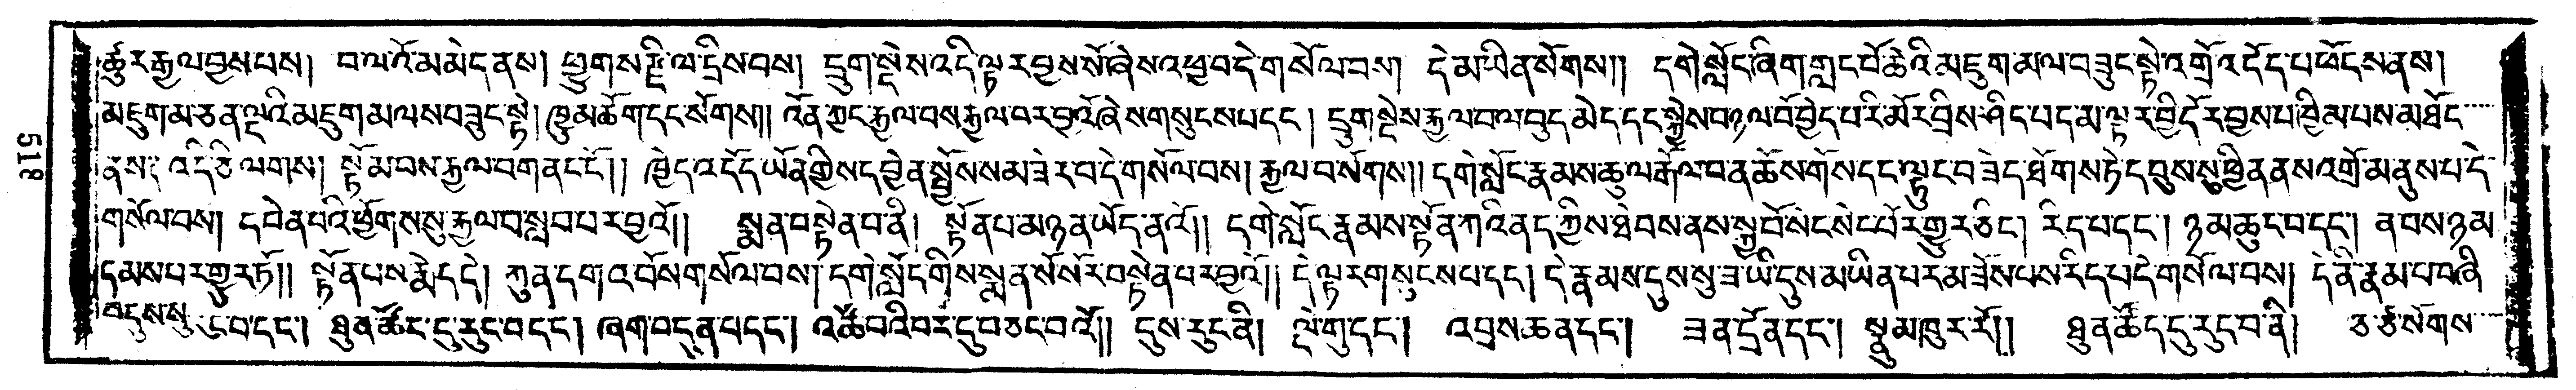ཚུར་རྒྱལ་བྱས་པས། བ་ལ་འོ་མ་མེད་ནས། ཕྱུགས་རྫི་ལ་དྲིས་བས། དྲུག་སྡེས་འདི་ལྟར་བྱས་སོ་ཞེས་འཕྱ་བ་དེ་གསོལ་བས། དེ་མ་ཡིན་སོགས།། དགེ་སློང་ཞིག་གླང་པོ་ཆེའི་མཇུག་མ་ལ་བཟུང་སྟེ་འགྲོ་འདོད་པ་ཕོངས་ནས།
མཇུག་མ་ཅན་ལྔའི་མཇུག་མ་ལས་བཟུང་སྟེ། ཁྱུ་མཆོག་དང་སོགས།། འོན་ཀྱང་རྐྱལ་བས་རྐྱལ་བར་བྱའོ་ཞེས་གསུངས་པ་དང་། དྲུག་སྡེས་རྐྱལ་བ་ལ་བུད་མེད་དང་སྐྱེས་བ་ཉལ་བོ་བྱེད་པ་རི་མོར་བྲིས་ཤིང་པད་མ་ལྟར་བྱི་དོར་བྱས་པ་ཁྱིམ་པས་མཐོང་
ནས༑ འདི་ཅི་ལགས། སྟོམ་པས་རྐྱལ་བ་གནང་ངོ།། ཁྱེད་འདོད་ཡོན་གྱིས་དབྱེན་སྤྱོས་སམ་ཟེར་བ་དེ་གསོལ་བས། རྐྱལ་བ་སོགས།། དགེ་སློང་རྣམས་ཆུ་ལ་རྒོལ་བ་ན་ཆོས་གོས་དང་ལྟུང་བཟེད་ཐོགས་ཏེ་དབུས་སུ་ཕྱིན་ནས་འགྲོ་མ་ནུས་པ་དེ་
གསོལ་བས། དབེན་བའི་ཕྱོགས་སུ་རྐྱལ་བ་བསླབ་པར་བྱའོ།། སྨན་པ་བསྟེན་པ་ནི། སྟོན་པ་མཉན་ཡོད་ནའོ།། དགེ་སློང་རྣམས་སྟོན་ཀའི་ནད་ཀྱིས་ཐེབས་ནས་སྐྱ་བོ་སེང་སེང་པོར་གྱུར་ཅིང་། རིད་པ་དང་། ཉམ་ཆུང་བ་དང་། ན་བས་ཉམ་
དམས་པར་གྱུར་ཏོ།། སྟོན་པས་རྨེད་དེ། ཀུན་དགའ་བོས་གསོལ་བས། དགེ་སློང་གིས་སྨན་སོ་སོར་བསྟེན་པར་བྱའོ།། དེ་ལྟར་གསུངས་པ་དང་། དེ་རྣམས་དུས་སུ་ཟ་ཡི་དུས་མ་ཡིན་པར་མ་ཟོས་པས་རིད་པ་དེ་གསོལ་བས། དེ་ནི་རྣམ་པ་བཞི་
བདུས་སུ་རུང་བ་དང་། ཐུན་ཚོང་དུ་རུང་བ་དང་། ཞག་བདུན་པ་དང་། འཚོ་བའི་བར་དུ་བཅང་བའོ།། དུས་རུང་ནི། ལྡེ་གུ་དང་། འབྲས་ཆན་དང་། ཟན་དྲོན་དང་། སྣུམ་ཁུར་རོ།། ཐུན་ཚོད་དུ་རུང་བ་ནི། ཅ་ཙ་སོགས་